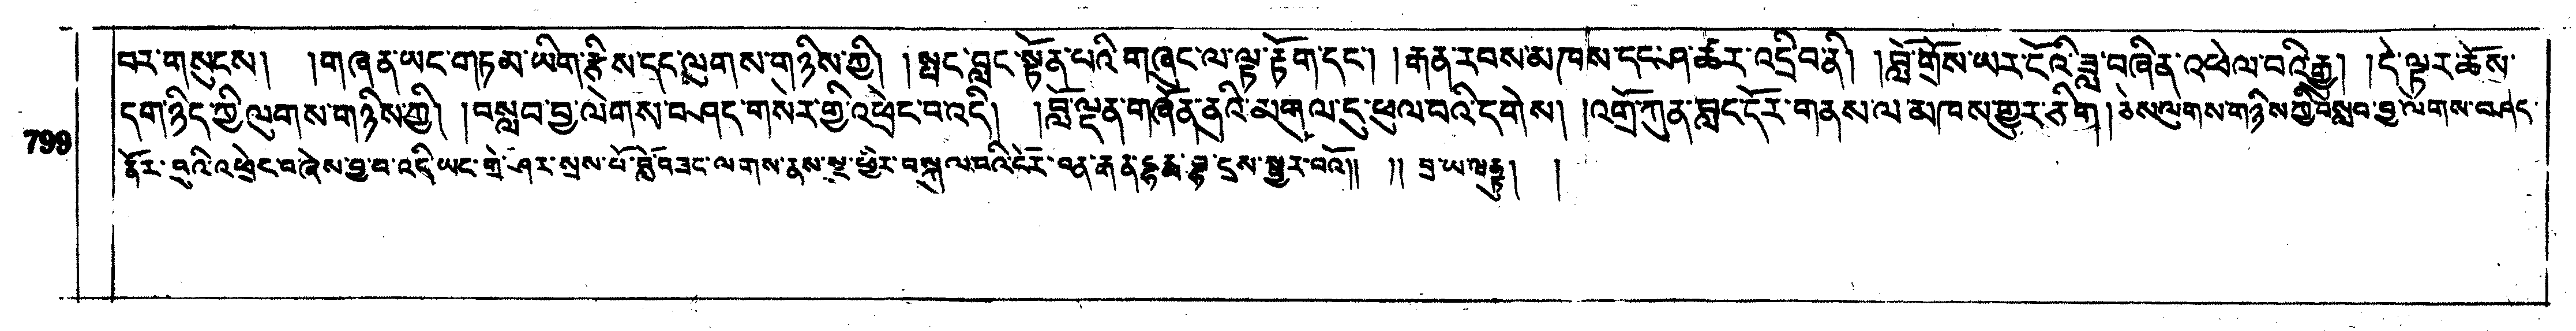བར་གསུངས། །གཞན་ཡང་གཏམ་ཡིག་རྩིས་དང་ལུགས་གཉིས་ཀྱིས། །སྤང་བླང་སྟོན་པའི་གཞུང་ལ་ལྟ་རྟོག་དང་། །རྒན་རབས་མཁས་དང་ཤ་ཚར་འདྲི་བ་ནི། །བློ་གྲོས་ཡར་ངོའི་ཟླ་བཞིན་འཕེལ་བའི་རྒྱུ། །དེ་ལྟར་ཆོས་དག་ཉིད་ཀྱི་ལུགས་གཉིས་ཀྱི། །བསླབ་བྱ་ལེགས་བཤད་གསེར་གྱི་འཕྲེང་བ་འདི། །བློ་ལྡན་གཞོན་ནུའི་མགུལ་དུ་ཕུལ་བའི་དགེས། །འགྲོ་ཀུན་བླང་དོར་གནས་ལ་མཁས་གྱུར་ཅིག །ཅེས་ལུགས་གཉིས་ཀྱི་བསླབ་བྱ་ལེགས་བཤད་ནོར་བུའི་འཕྲེང་བ་ཞེས་བྱ་བ་འདི་ཡང་གྲེ་ཤར་སྲས་པོ་བློ་བཟང་ལགས་ནས་སྔ་ཕྱིར་བསྐུལ་བའི་ངོར་བན་རྒན་དྷརྨ་བྷ་དྲས་སྦྱར་བའོ།། །། བྲ་ཡ་ཝནྟུ། །